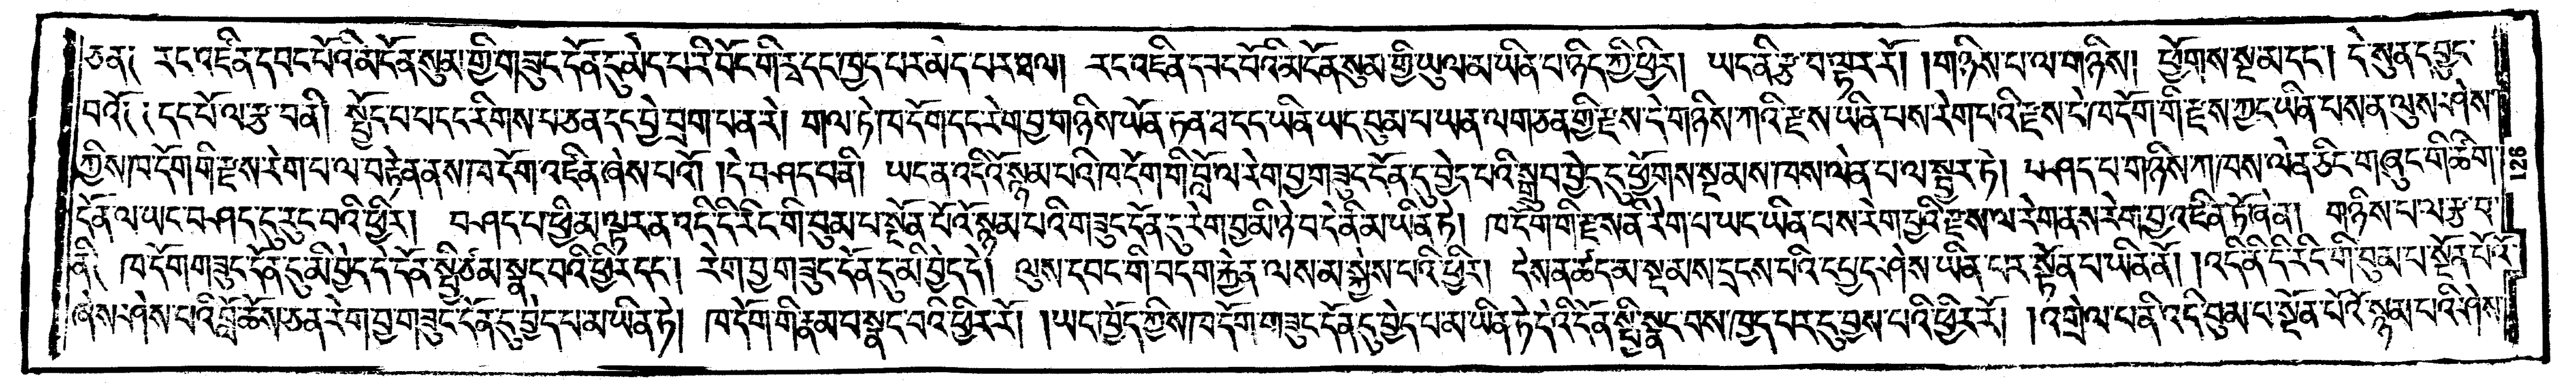ཅན། རང་འཛིན་དབང་པོའི་མངོན་སུམ་གྱི་གཟུང་དོན་དུ་མེད་པ་རི་བོང་གི་རྭ་དང་ཁྱད་པར་མེད་པར་ཐལ། རང་འཛིན་དབང་པོའི་མངོན་སུམ་གྱི་ཡུལ་མ་ཡིན་པ་ཉིད་ཀྱི་ཕྱིར། ཡང་ནི་རྩ་བ་ལྟར་རོ། །གཉིས་པ་ལ་གཉིས། ཕྱོགས་སྔ་མ་དང་། དེ་སུན་དབྱུང་
བའོ། །དང་པོ་ལ་རྩ་བ་ནི། སྤྱོད་པ་པ་དང་རིགས་པ་ཅན་དང་བྱེ་བྲག་པ་ན་རེ། གལ་ཏེ་ཁ་དོག་དང་རེག་བྱ་གཉིས་ཡོན་ཏན་ཐ་དད་ཡིན་ཡང་བུམ་པ་ཡན་ལག་ཅན་གྱི་རྫས་དེ་གཉིས་ཀའི་རྫས་ཡིན་པས་རེག་པའི་རྫས་དེ་ཁ་དོག་གི་རྫས་ཀྱང་ཡིན་པས་ན་ལུས་ཤེས་
ཀྱིས་ཁ་དོག་གི་རྫས་རེག་པ་ལ་བརྟེན་ནས་ཁ་དོག་འཛིན་ཞེས་པའོ། །དེ་བཤད་པ་ནི། ཡང་ན་འདིའོ་སྙམ་པའི་ཁ་དོག་གི་བློ་ལ་རེག་བྱ་གཟུང་དོན་དུ་བྱེད་པའི་སྒྲུབ་བྱེད་དུ་ཕྱོགས་སྔ་མས་ཁས་ལེན་པ་ལ་སྦྱར་ཏེ། བཤད་པ་གཉིས་ཀ་ཁས་ལེན་ཅིང་གཞུང་གི་ཚིག་
དོན་ལ་ཡང་བཤད་དུ་རུང་བའི་ཕྱིར། བཤད་པ་ཕྱི་མ་ལྟར་ན་འདི་དི་རིང་གི་བུམ་པ་སྔོན་པོའོ་སྙམ་པའི་གཟུང་དོན་དུ་རེག་བྱ་མི་ཉེ་བ་དེ་ནི་མ་ཡིན་ཏེ། ཁ་དོག་གི་རྫས་ནི་རེག་པ་ཡང་ཡིན་པས་རེག་བྱའི་རྫས་ལ་རེག་ནས་རེག་བྱ་འཛིན་ཏོ་ཞེ་ན། གཉིས་པ་ལ་རྩ་བ་
ནི། ཁ་དོག་གཟུང་དོན་དུ་མི་བྱེད་དེ་དོན་སྤྱི་ཙམ་སྣང་བའི་ཕྱིར་དང་། རེག་བྱ་གཟུང་དོན་དུ་མི་བྱེད་དེ། ལུས་དབང་གི་བདག་རྐྱེན་ལས་མ་སྐྱེས་པའི་ཕྱིར། དེས་ན་ཚད་མ་སྔ་མས་དྲངས་པའི་དཔྱད་ཤེས་ཡིན་པར་སྟོན་པ་ཡིན་ནོ། །འདི་ནི་དི་རིང་གི་བུམ་པ་སྔོན་པོའི་
ཞེས་ཤེས་པའི་བློ་ཆོས་ཅན་རེག་བྱ་གཟུང་དོན་དུ་བྱེད་པ་མ་ཡིན་ཏེ། ཁ་དོག་གི་རྣམ་པ་སྣང་བའི་ཕྱིར་རོ། །ཡང་ཁྱོད་ཀྱིས་ཁ་དོག་གཟུང་དོན་དུ་བྱེད་པ་མ་ཡིན་ཏེ་དེའི་དོན་སྤྱི་སྣང་བས་ཁྱད་པར་དུ་བྱས་པའི་ཕྱིར་རོ། །འགྲེལ་པ་ནི་འདི་བུམ་པ་སྔོན་པོའོ་སྙམ་པའི་ཤེས་